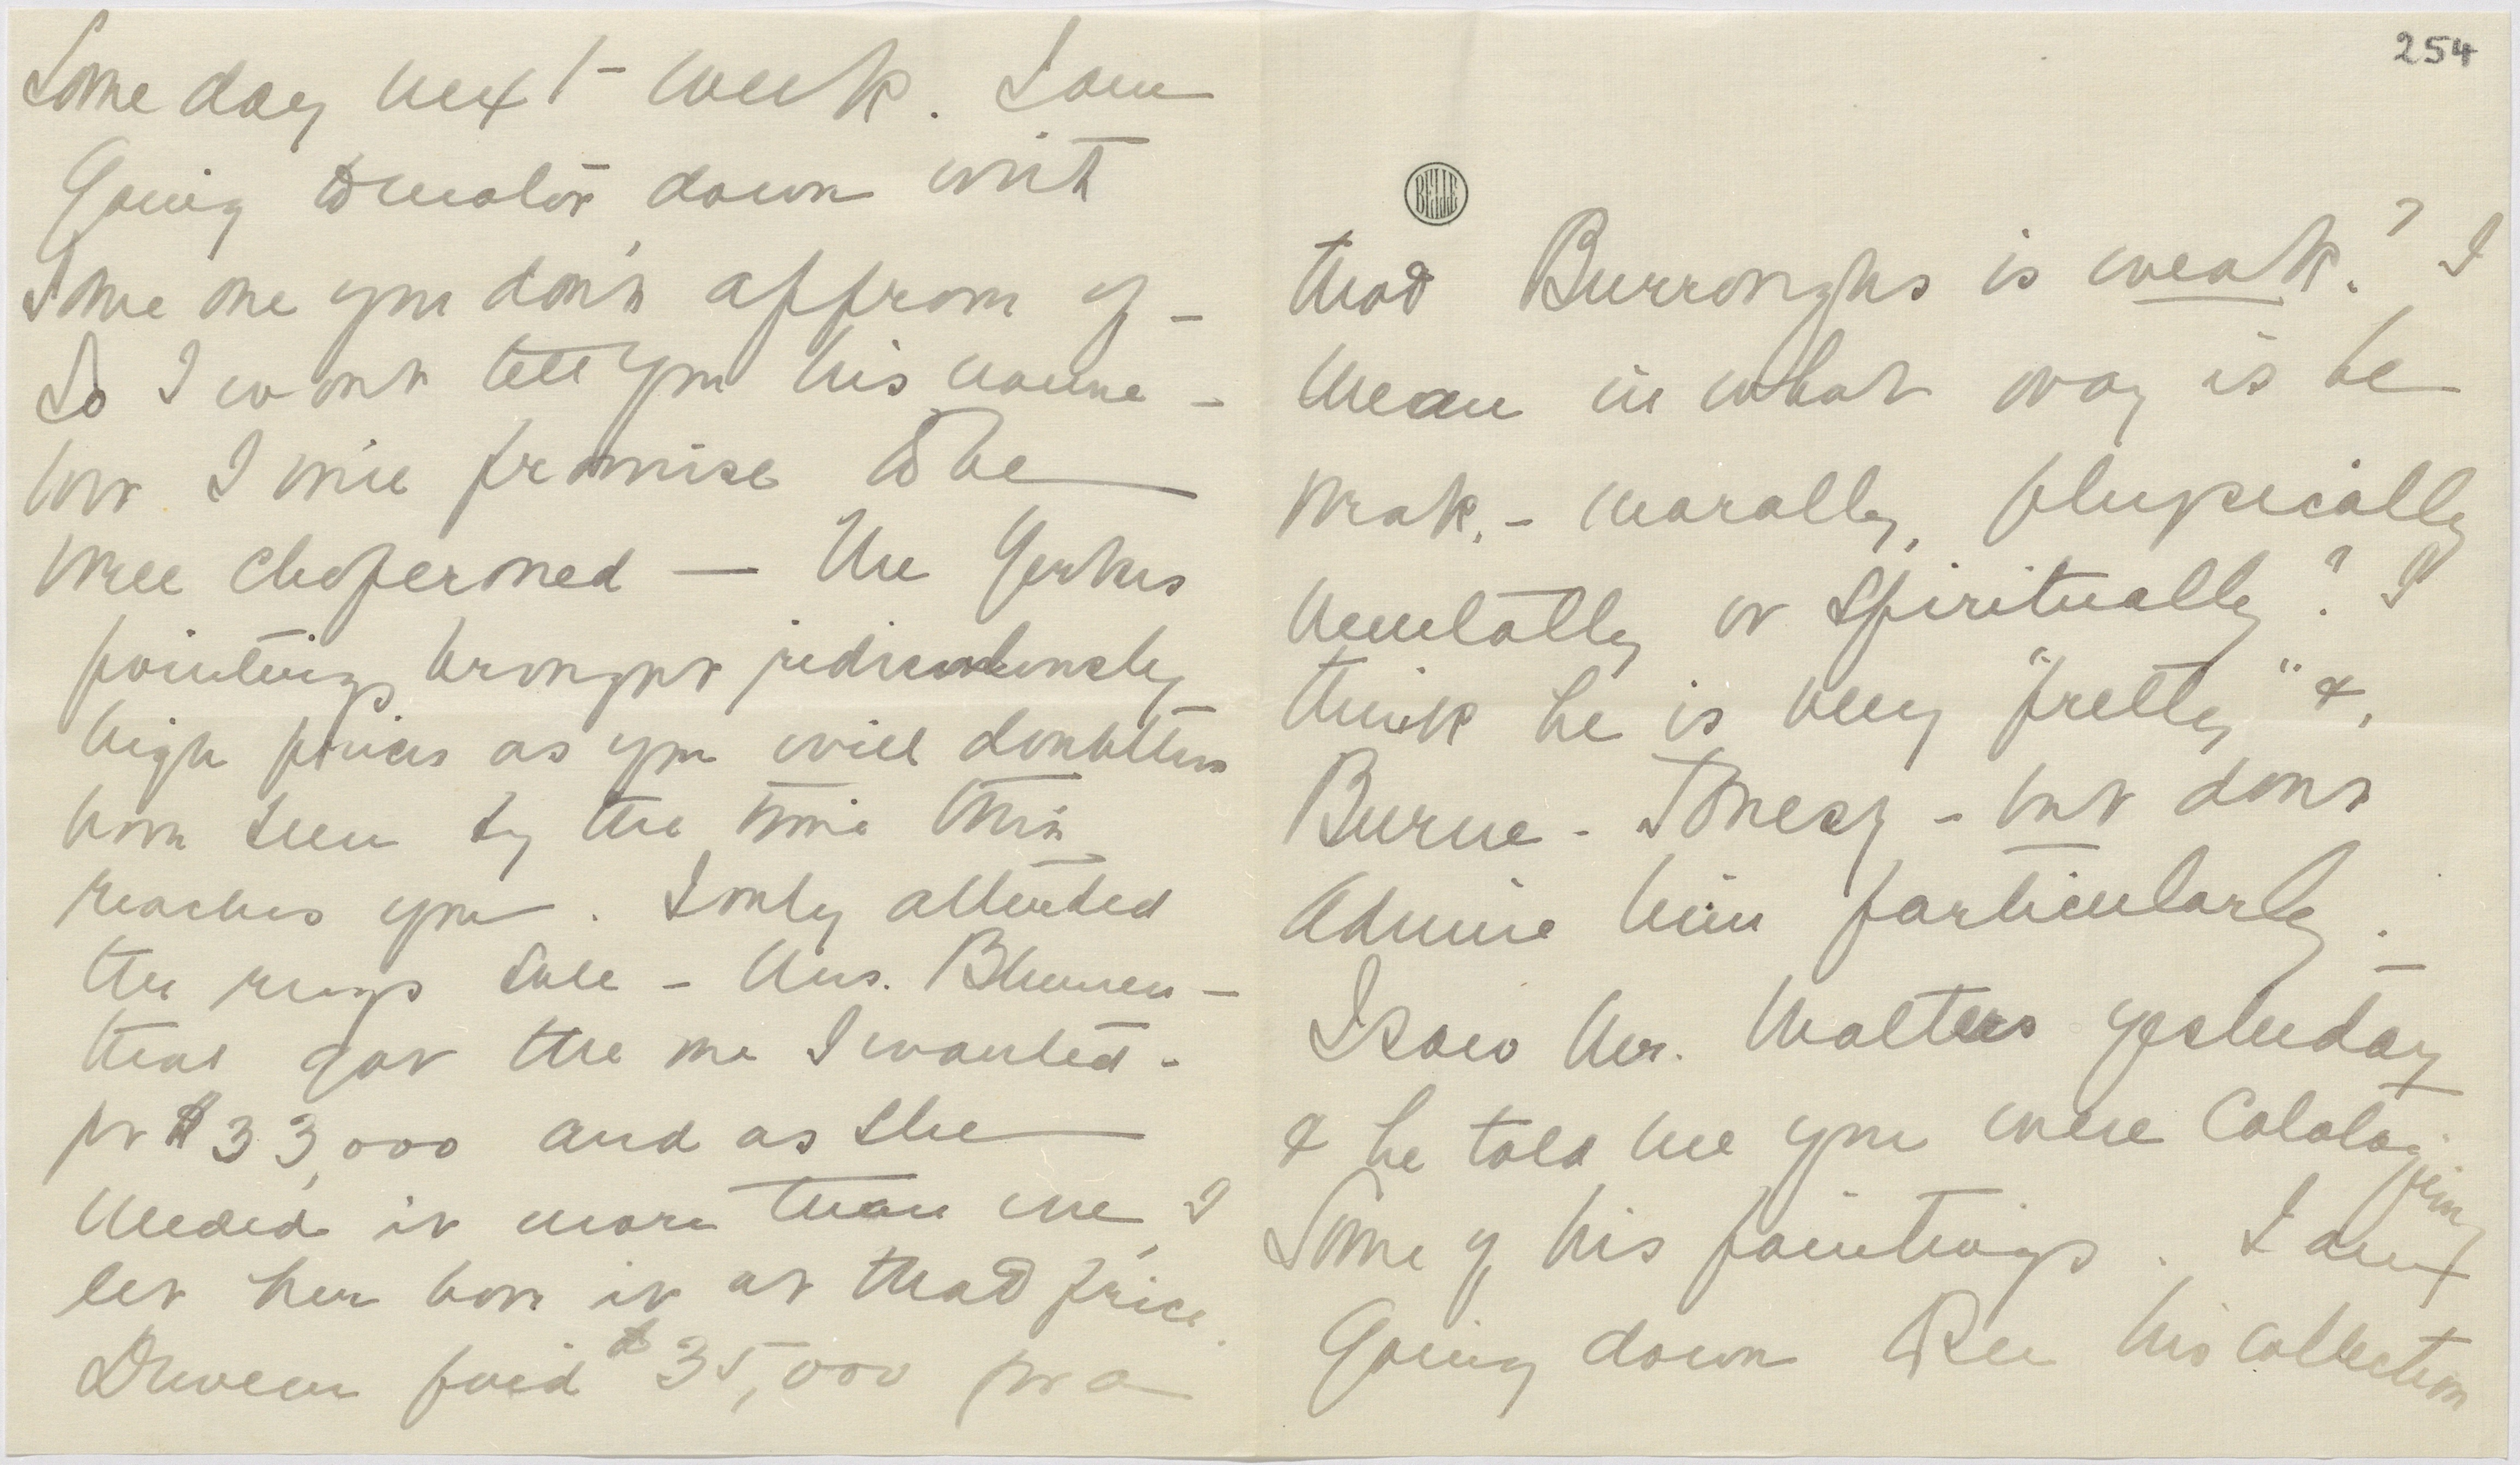that Burroughs is weak? I mean in what way is he weak – morally, physically, mentally or spiritually? I think he is very “pretty” &, Burne-Jonesy – but don’t admire him particularly. I saw Mr. Walters yesterday & he told me you were cataloguing some of his paintings. I am going down to see his collection
some day next week. I am going to motor down with some one you don’t approve of – So I won't tell you his name – but I will promise to be well chaperoned – The Yerkes paintings brought ridiculously high prices as you will doubtless have seen by the time this reaches you. I only attended the rugs sale – Mrs. Blumenthal got the one I wanted – for $33,000 and as she needed it more than me, I let her have it at that price. Duveen paid $35,000 for a